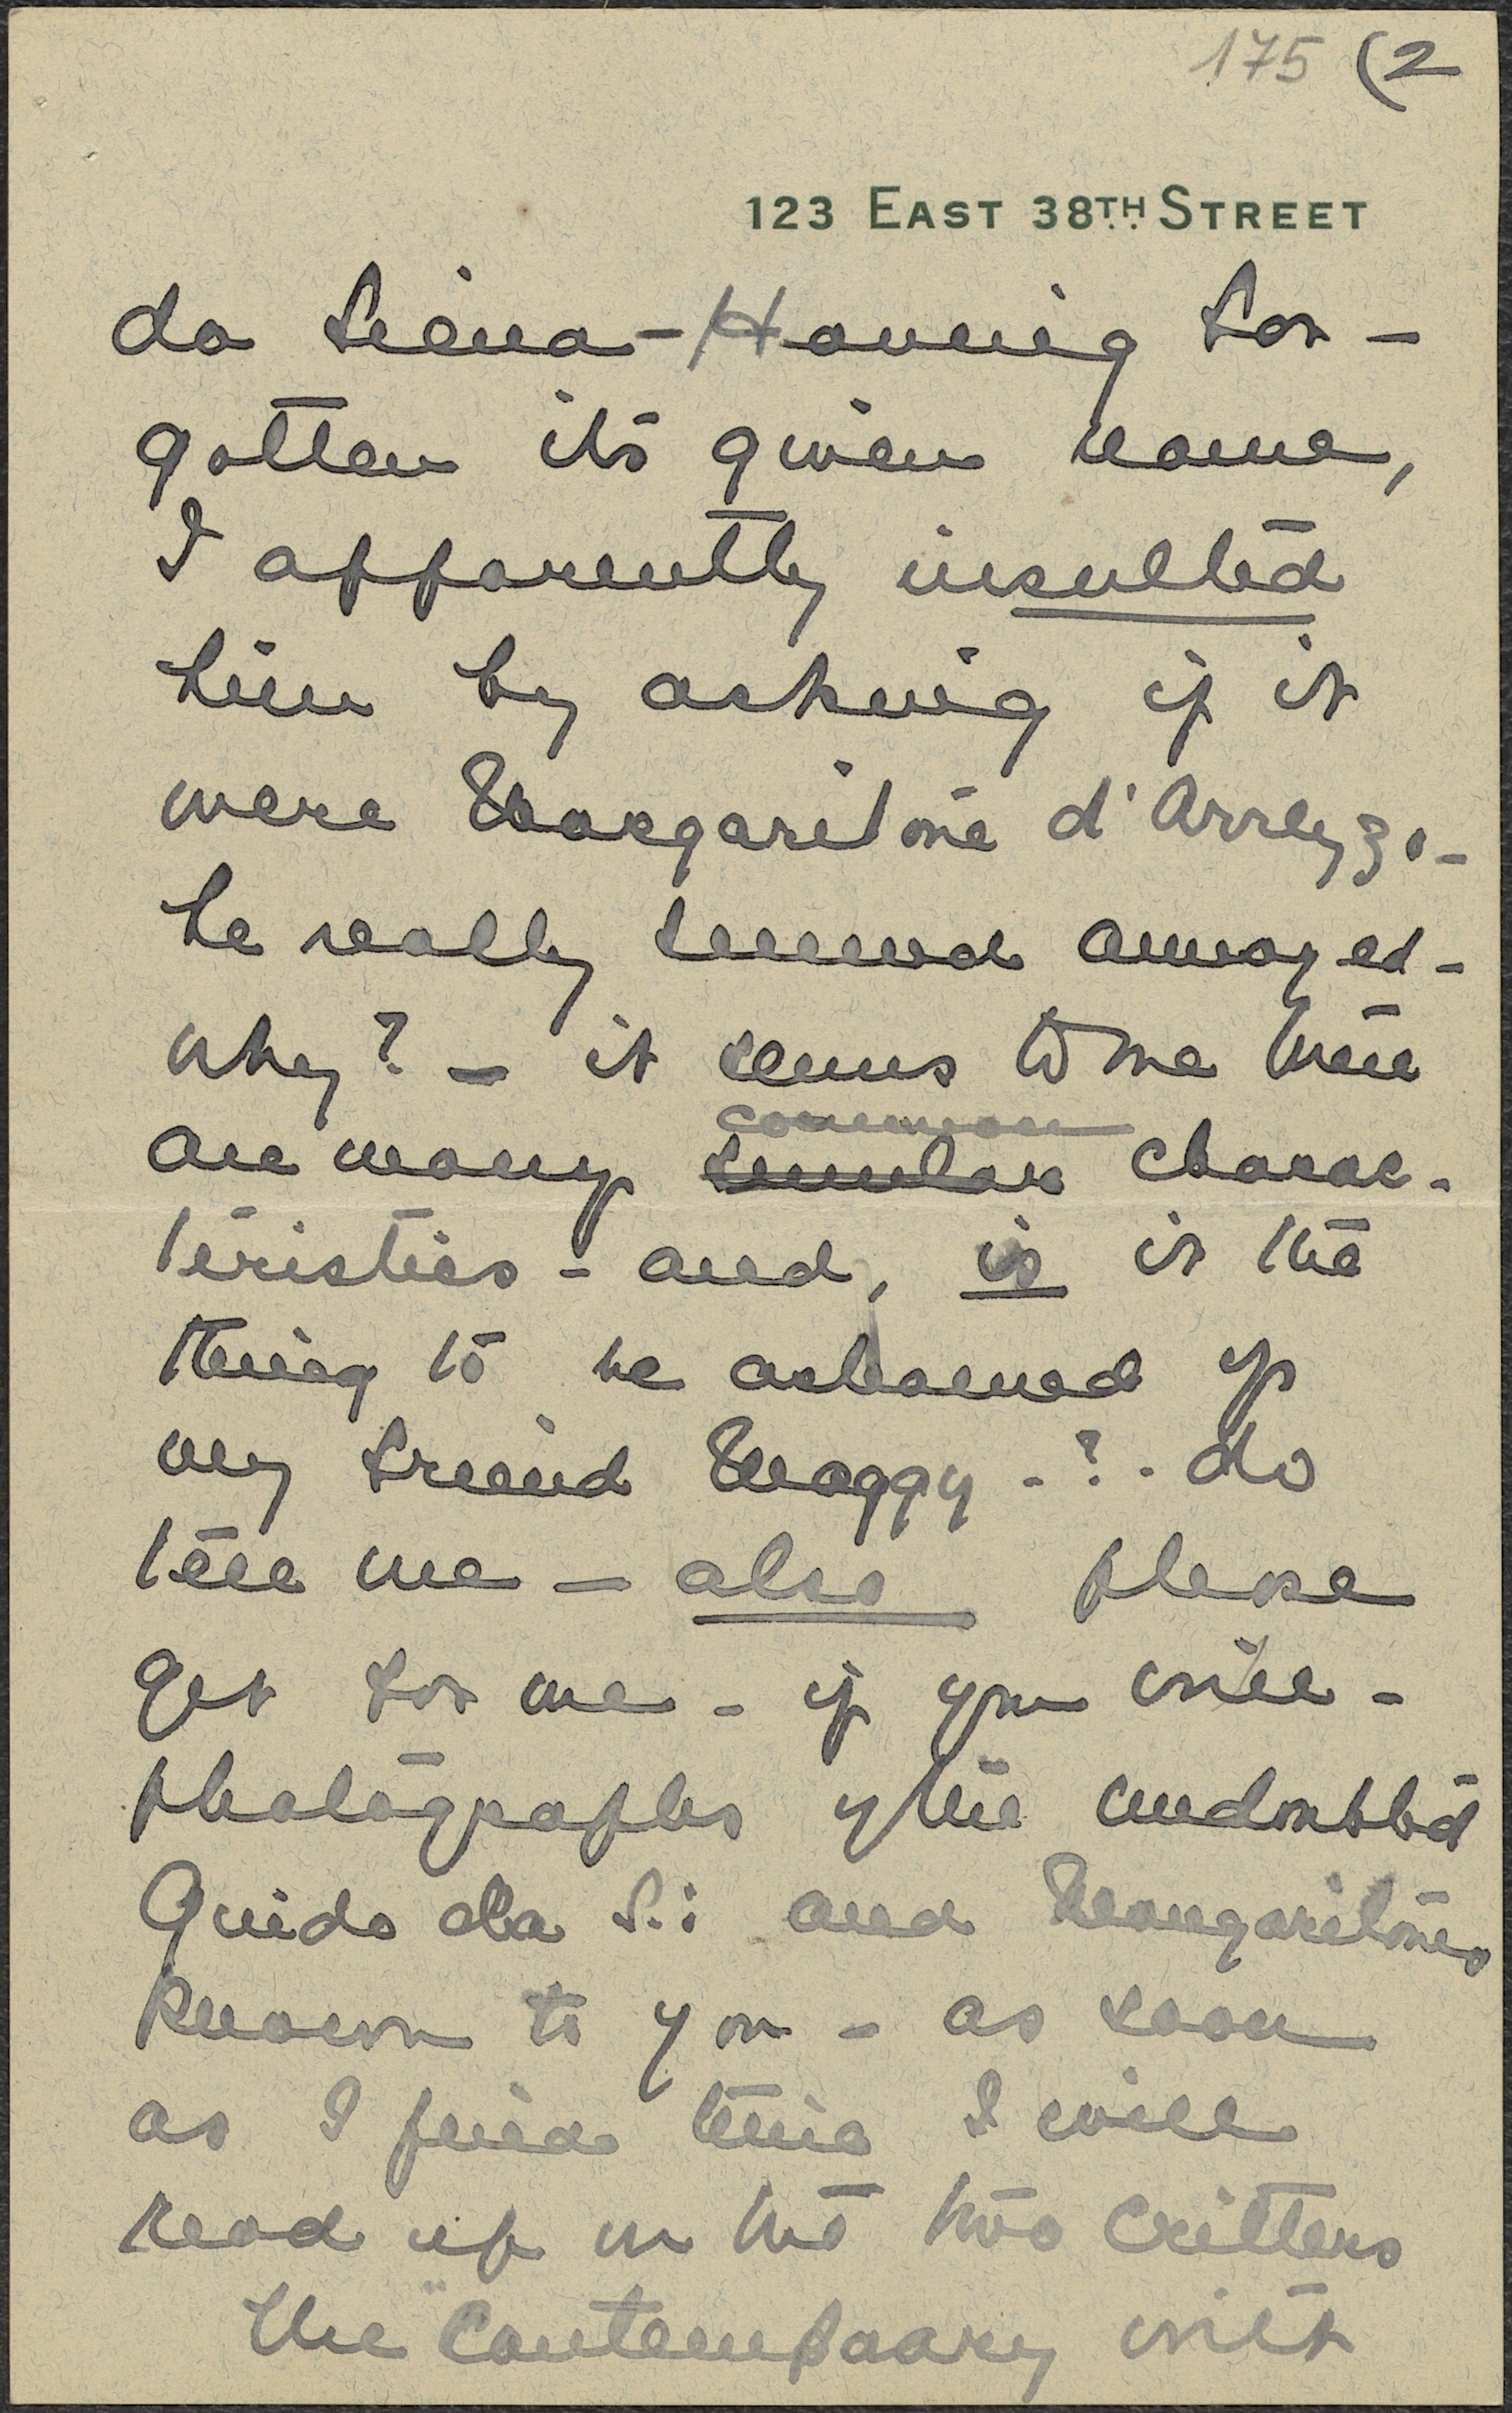2)
da Siena – Having forgotten its given name, I apparently insulted him by asking if it were Margaritone d'Arrezzo [sic] – he really seemed annoyed – Why? – it seems to me there are many similar [^common^] characteristics – and, is it the thing to be ashamed of my friend Maggy –? – do tell me – also please get for me – if you will – photographs of the undoubted Guido da Si. and Margaritones known to you – as soon as I find time I will read up on the two critters
The "contemporary with